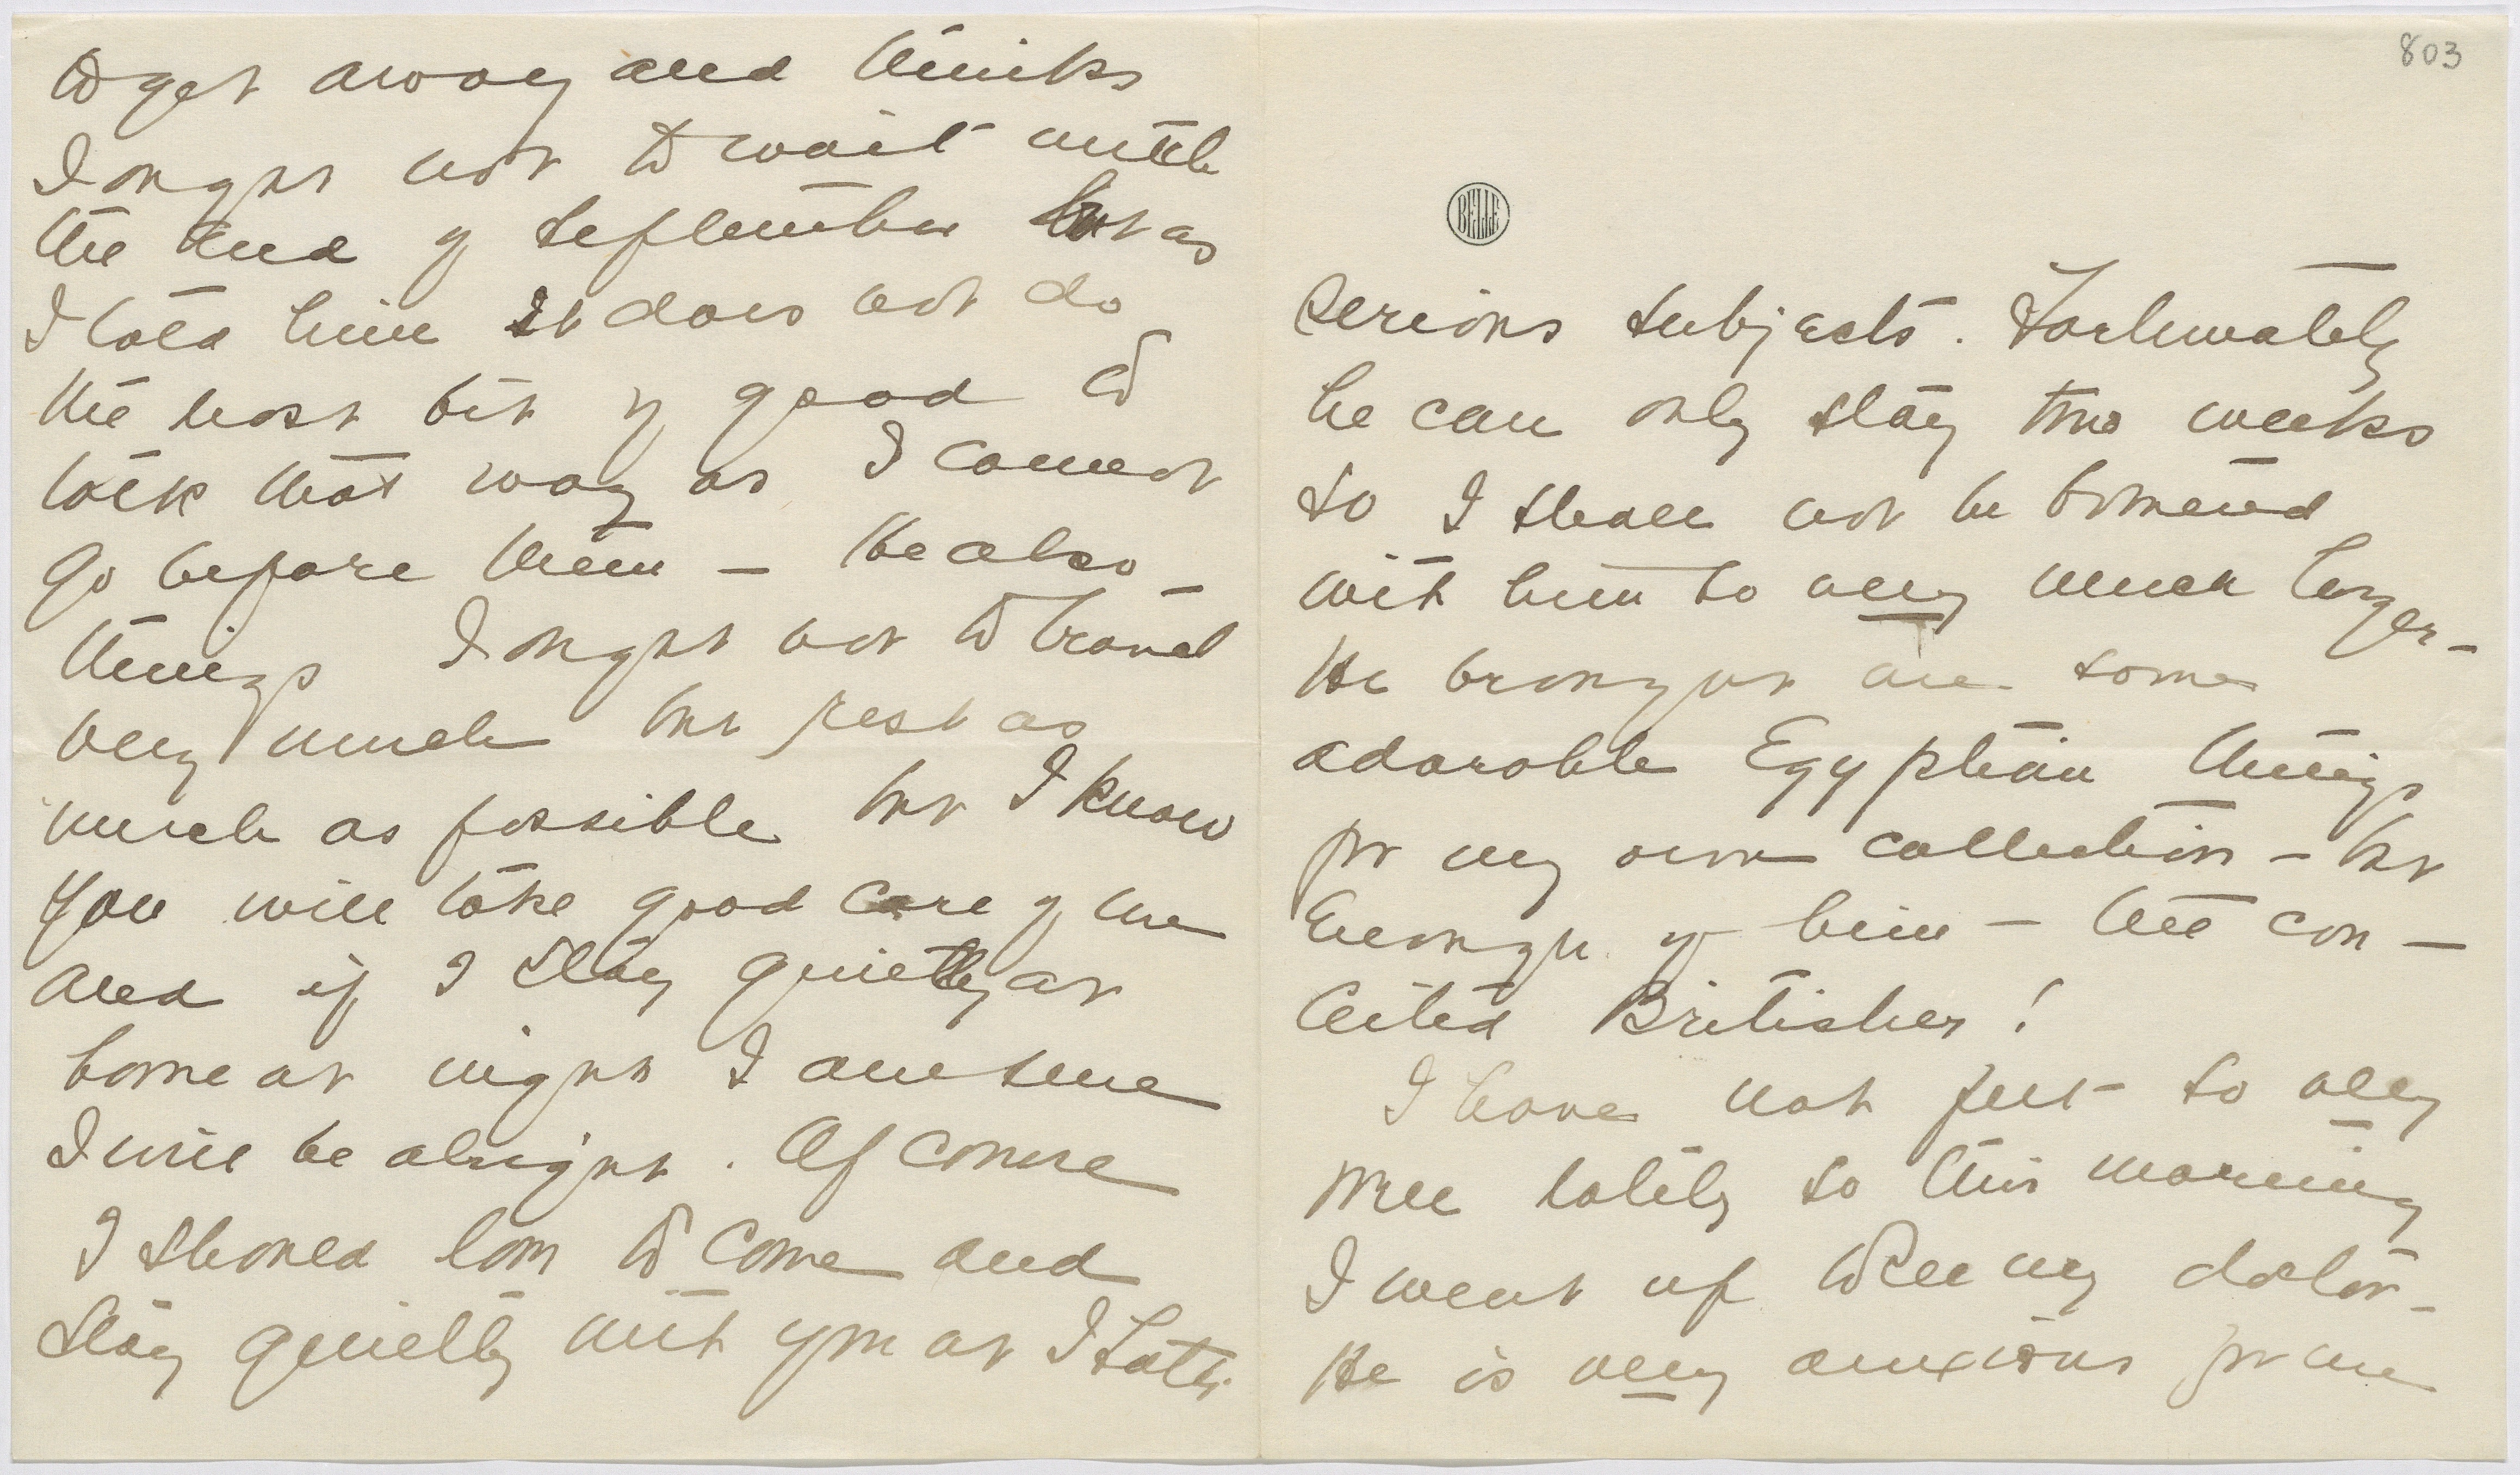serious subjects. Fortunately he can only stay two weeks so I shall not be bothered with him so very much longer – He brought me some adorable Egyptian things for my own collection – but enough of him – the conceited Britisher!
I have not felt so very well lately so this morning I went up to see my doctor – He is very anxious for me
to get away and thinks I ought not to wait until the end of September but as I told him it does not do the least bit of good to talk that way as I cannot go before then – He also things [sic] I ought not to travel very much but rest as much as possible but I know you will take good care of me and if I stay quietly at home at night I am sure I will be alright. Of course I should love to come and stay quietly with you at I Tatti